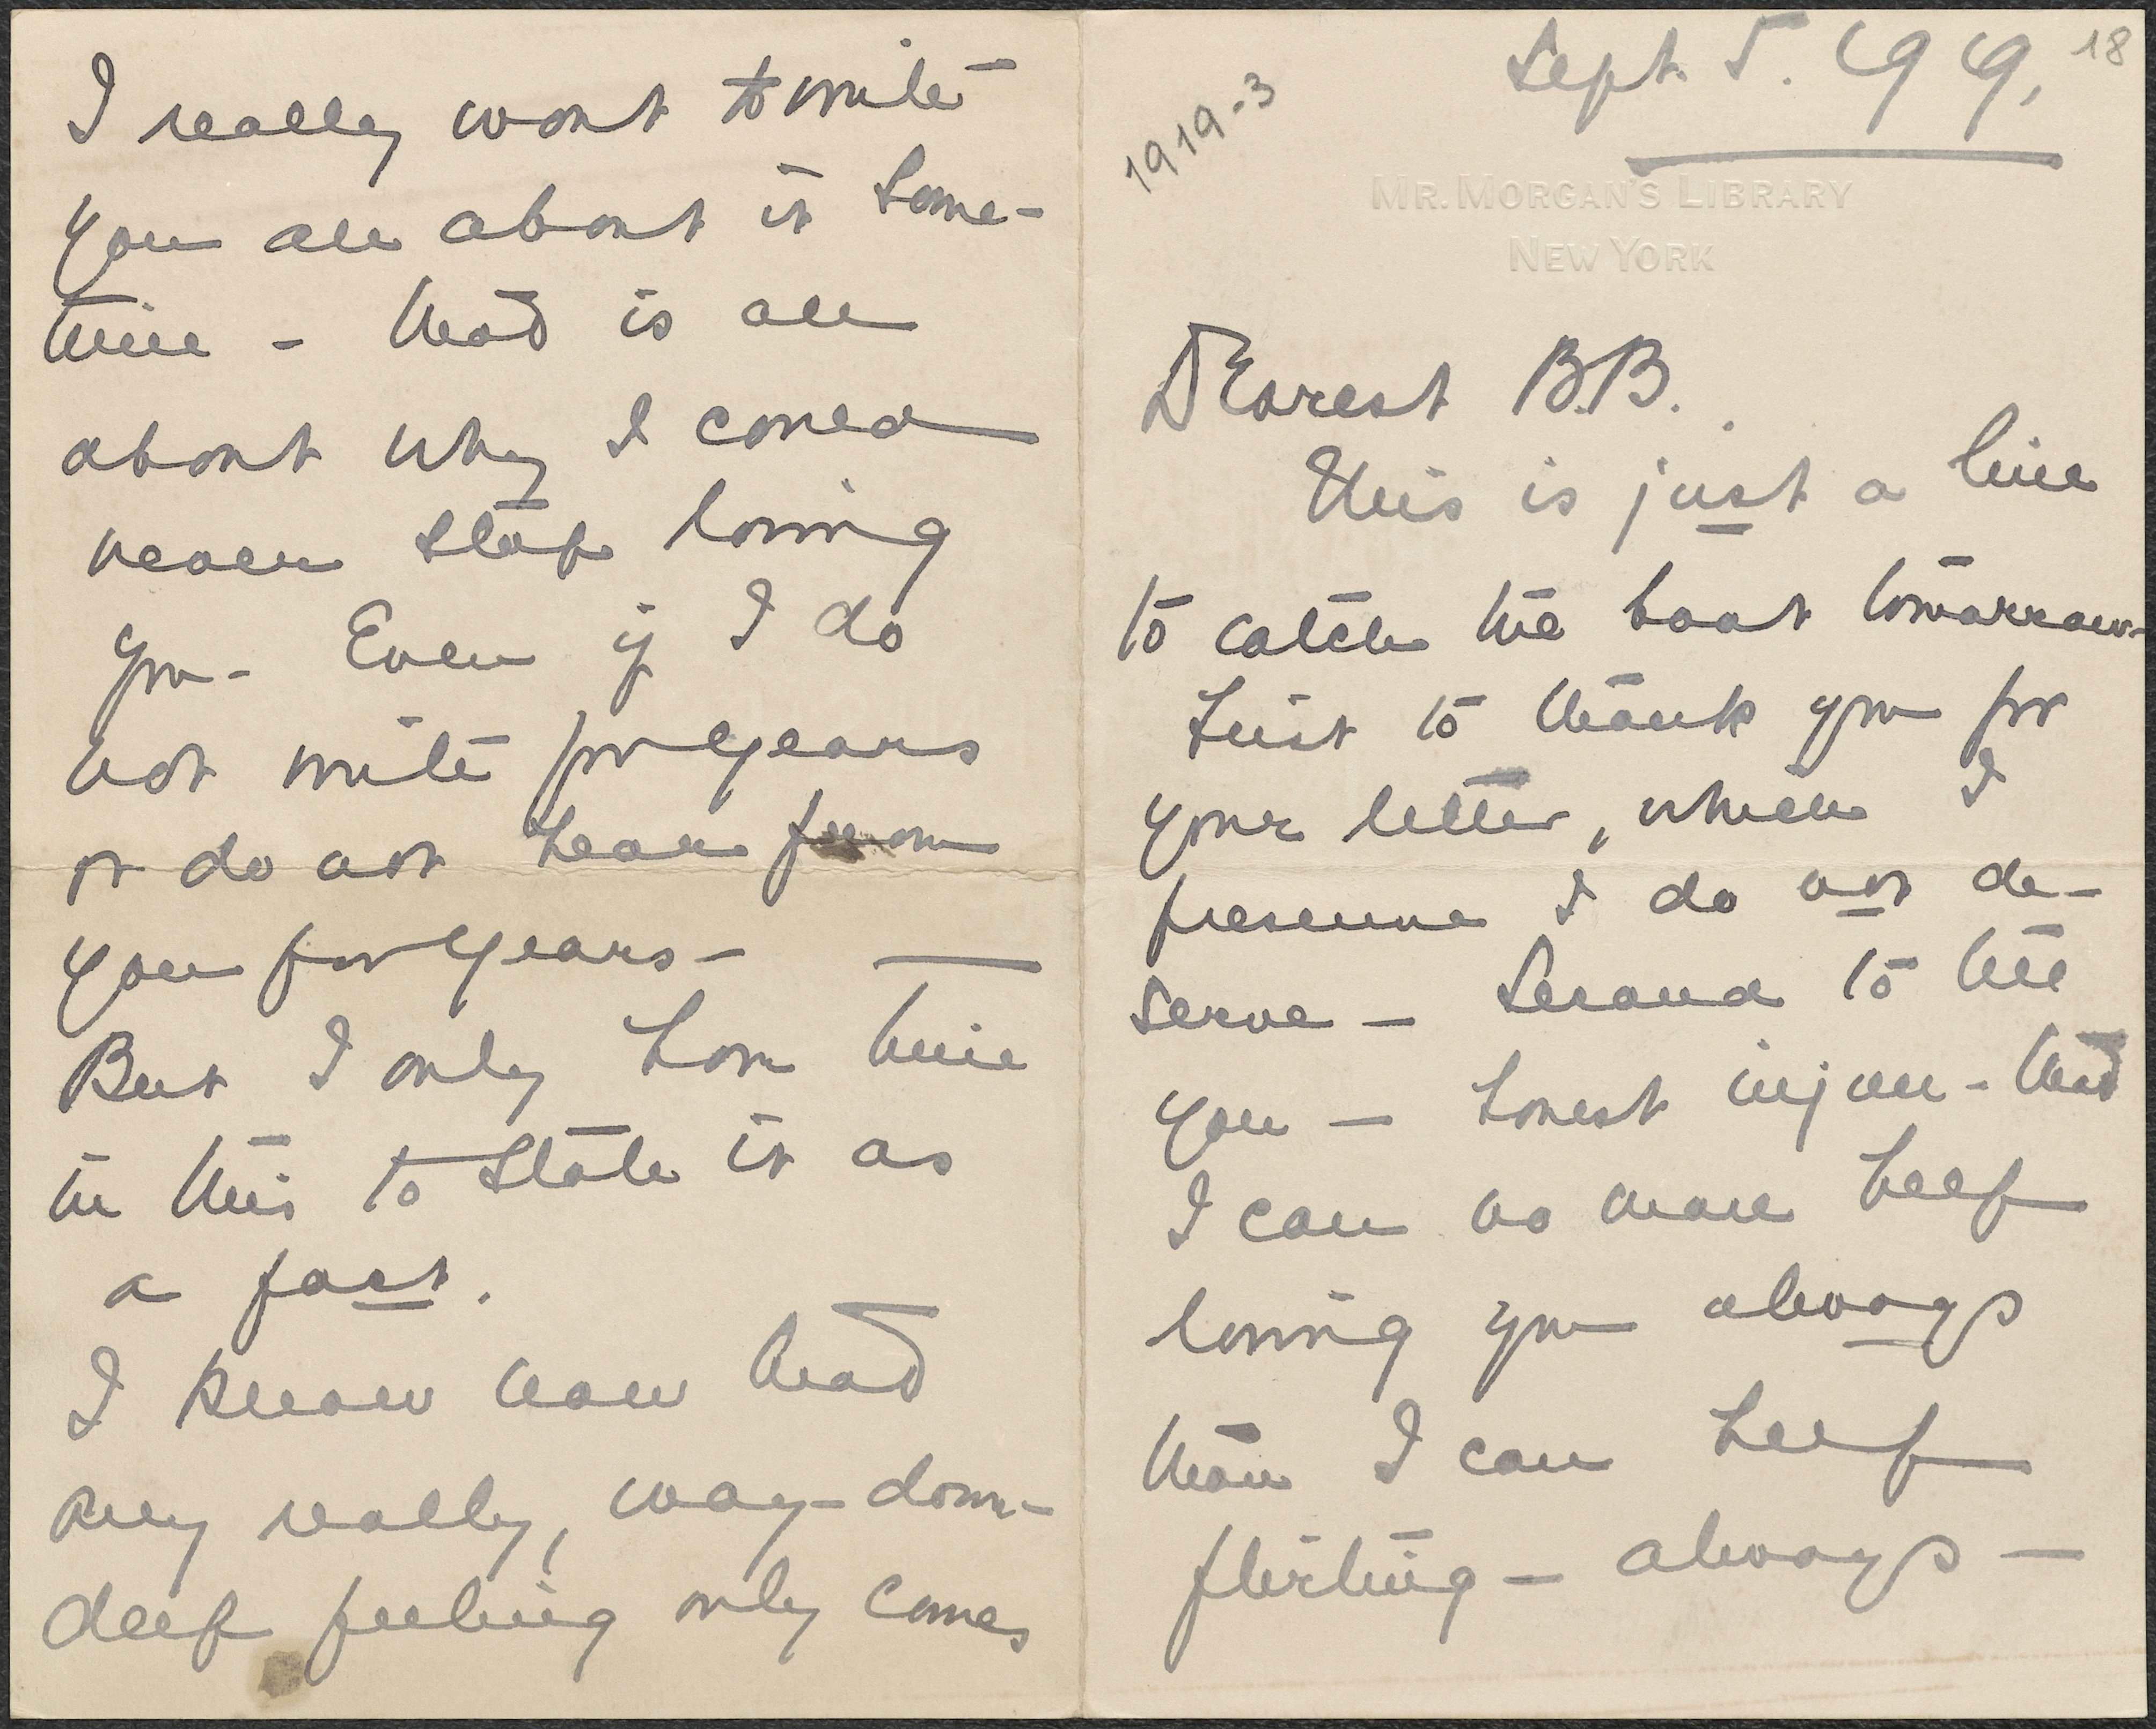Sept 5. 1919
Dearest B.B.
This is just a line to catch the boat tomorrow.
First to thank you for your letter, which I presume I do not deserve – second to tell you – honest injun – that I can no more keep loving you always than I can keep flirting – always –
I really want to write you all about it sometime – that is all about why I could never stop loving you. Even if I do not write for years or do not hear from you for years –
But I only have time in this to state it as a fact.
I know now that any really, way-down-deep feeling only comes